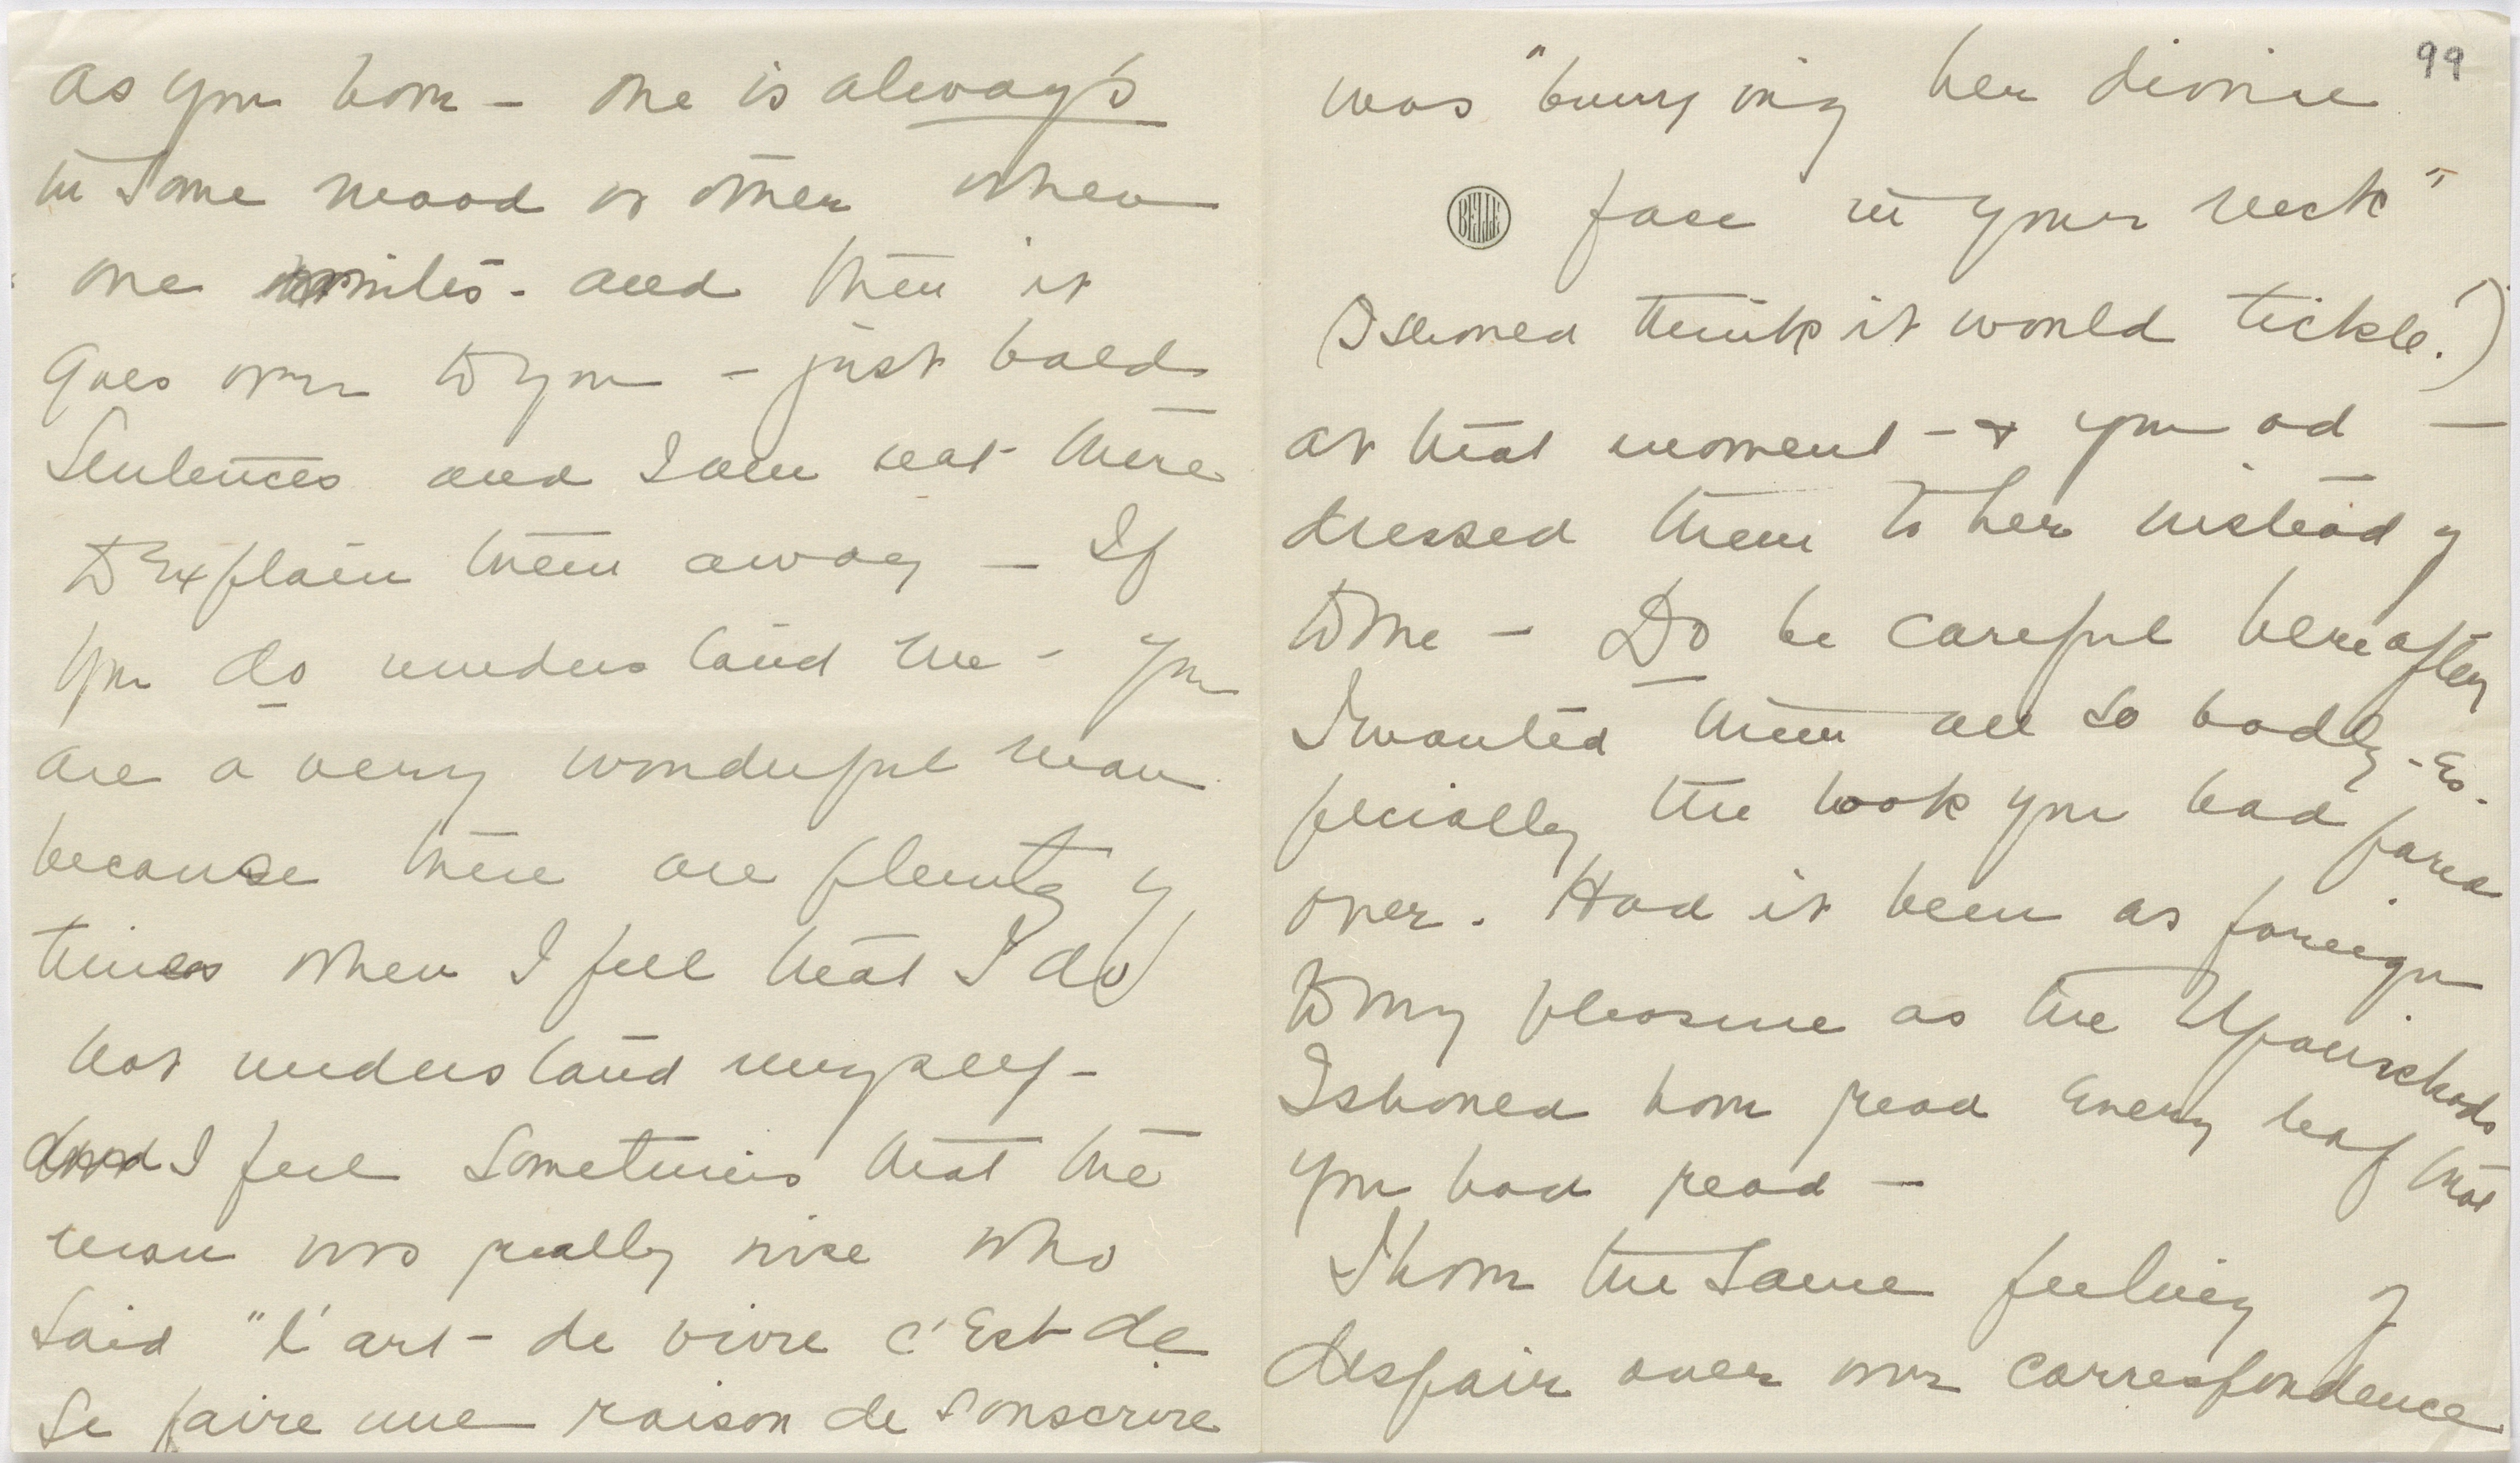was “burying her divine face in your neck” (I should think it would tickle!) at that moment – & you addressed them to her instead of to me – Do be careful hereafter
I wanted them all so badly – especially the book you had pored over – Had it been as foreign to my pleasure as the Upanishads I should have read every leaf that you had read –
I have the same feeling of despair over our correspondence
as you have – one is always in some mood or other when one [illegible deletion] writes – and then it goes over to you – just bald sentences and I am not there to explain them away – If you do understand me – you are a very wonderful man because there are plenty of times when I feel that I do not understand myself – and I feel sometimes that the man was really wise who said “l’art de vivre c’est de se faire une raison de souscrire